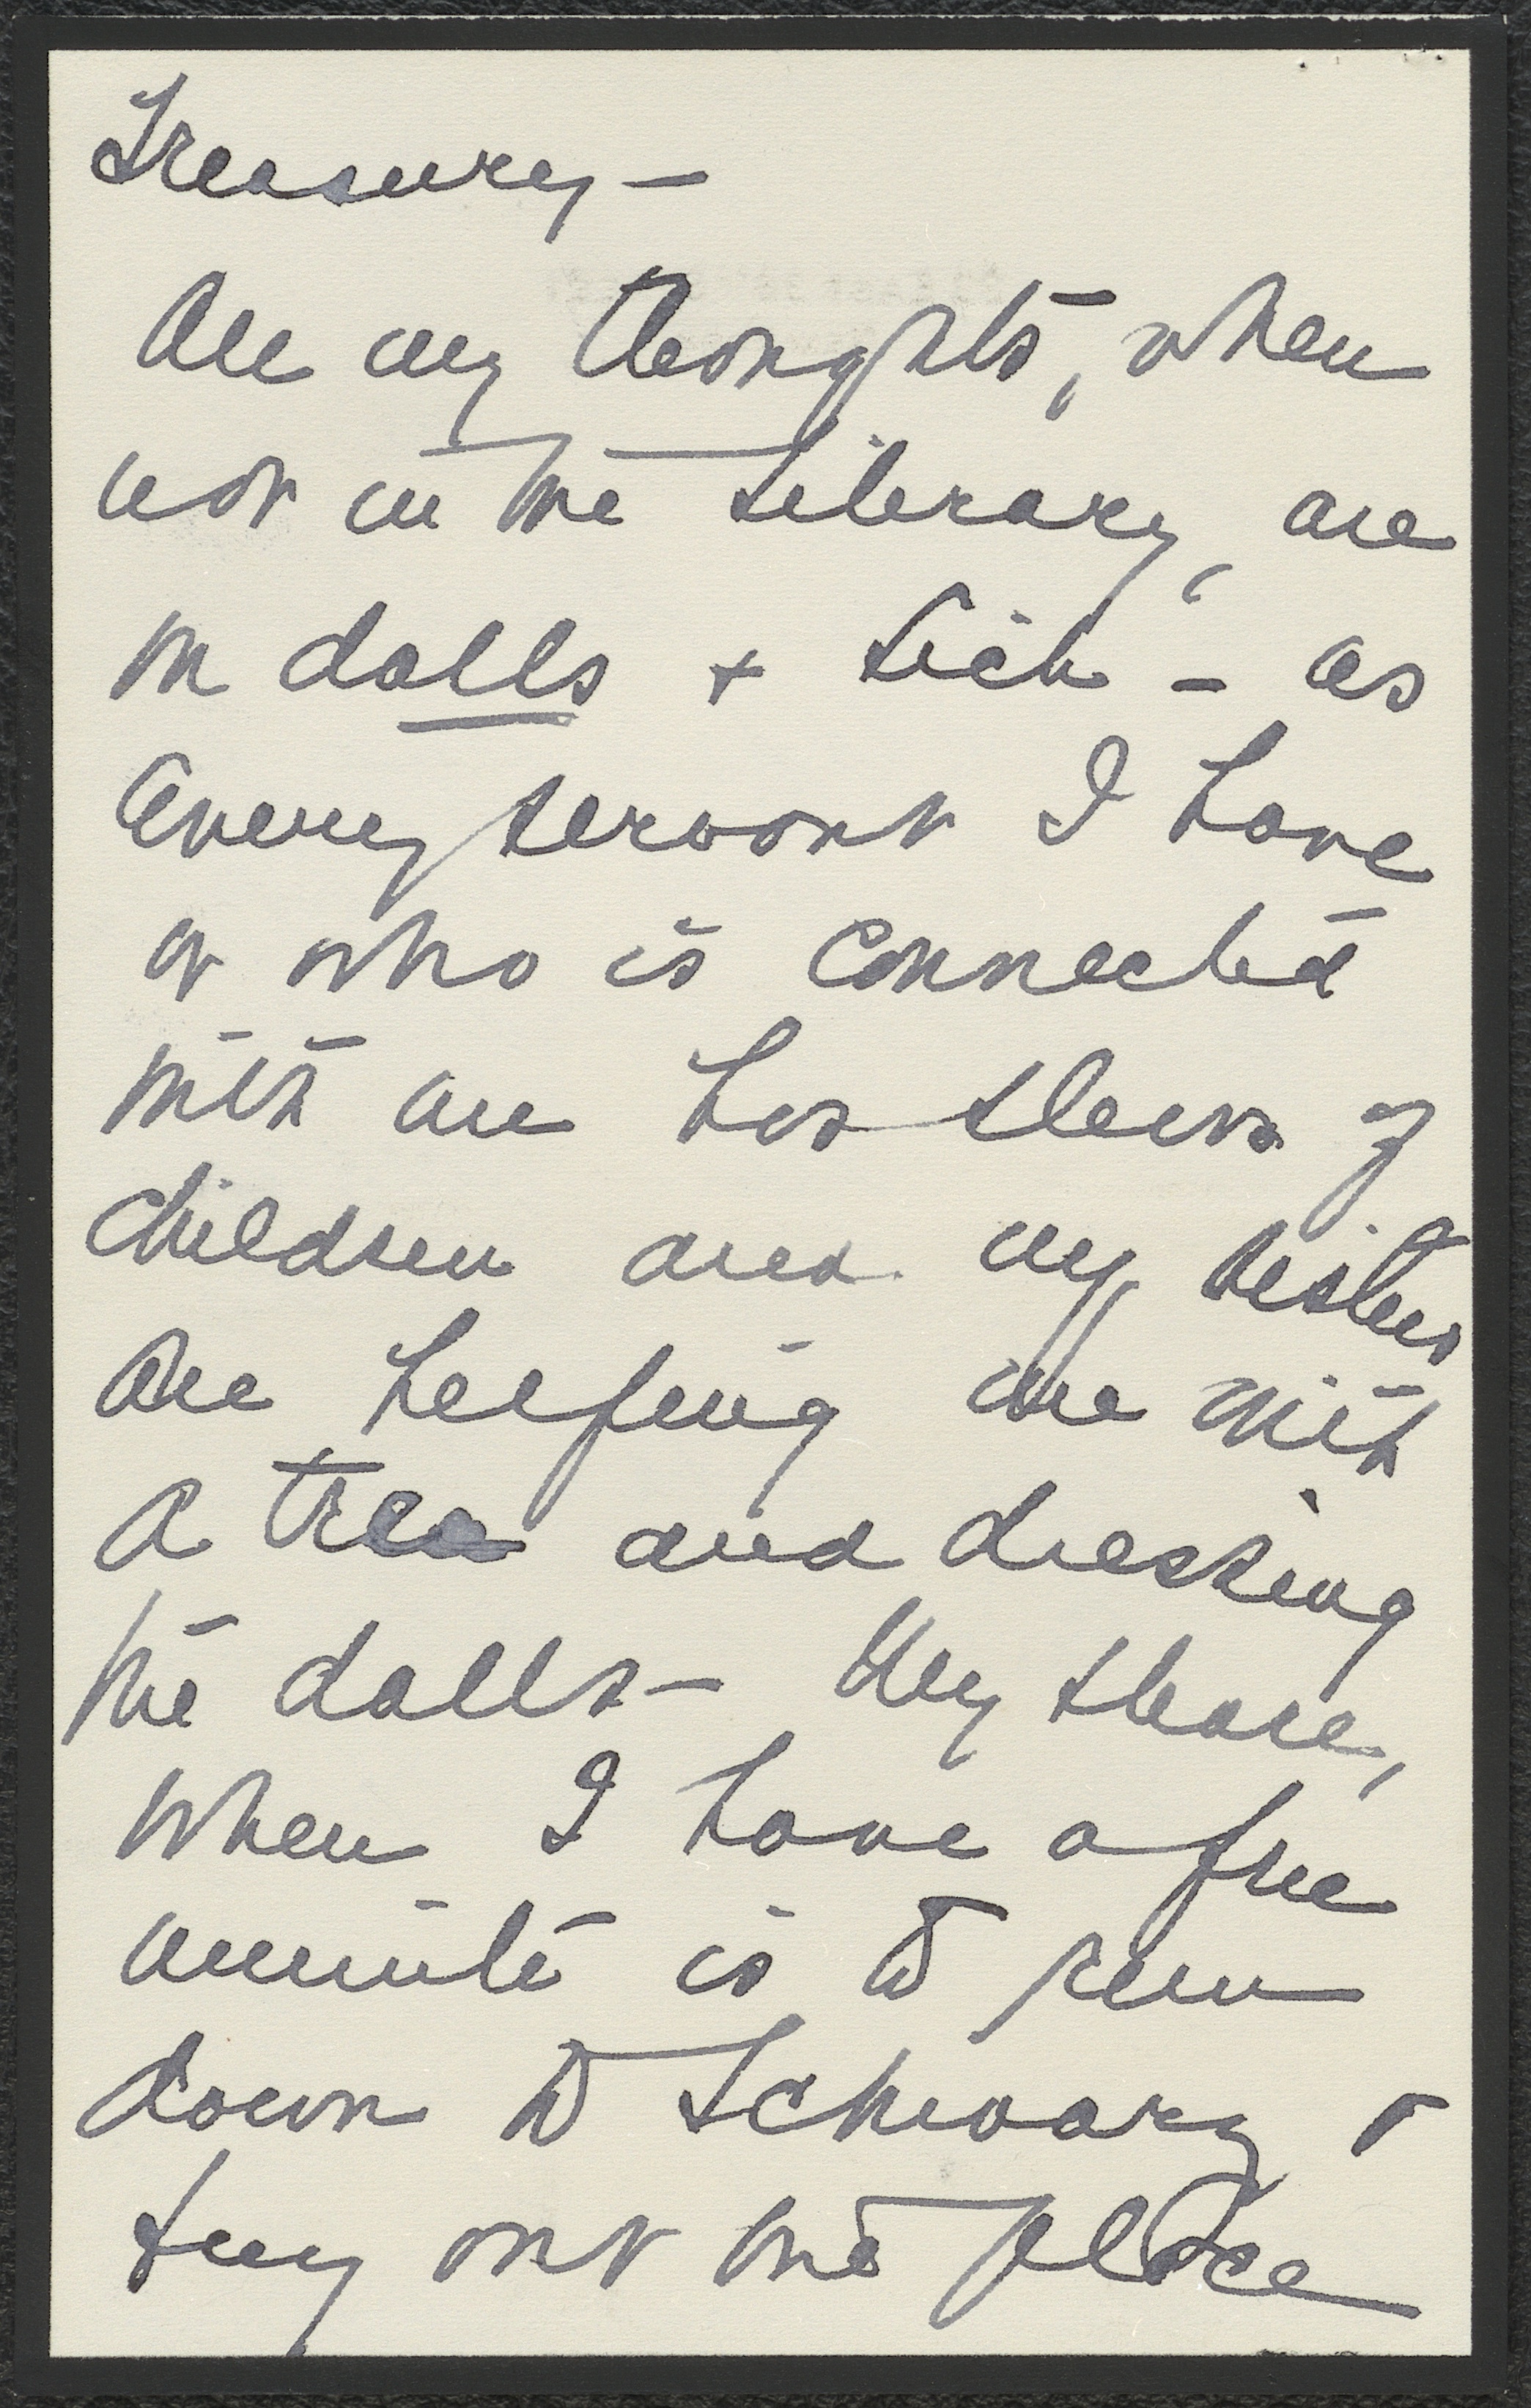Treasury –
All my thoughts, when not in the Library, are on dolls & sich [sic] – as every servant I have or who is connected with me has slews of children and my sisters are helping me with a tree and dressing the dolls – My share, when I have a free minute is to run down to Schwarz & buy out the place